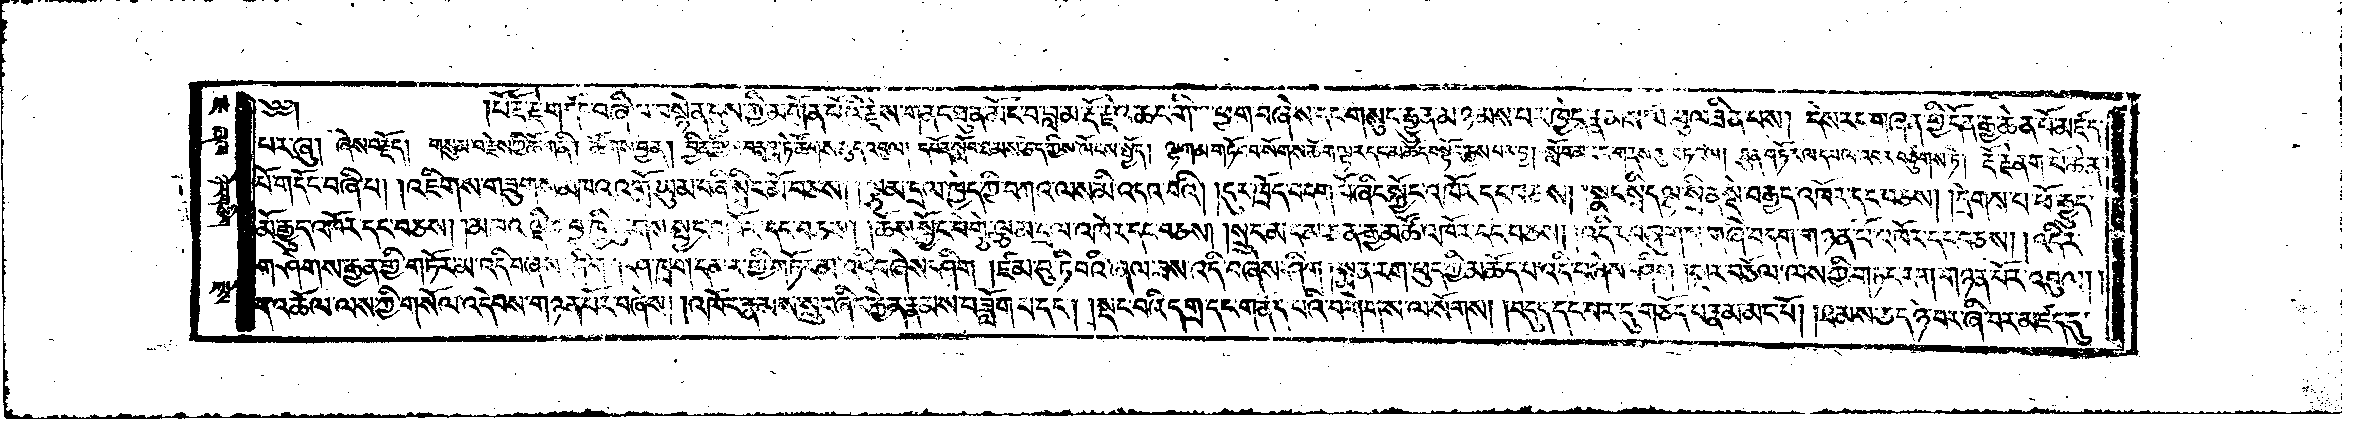༄༅། །པོ་རྡོ་རྗེ་གདོང་བཞི་པ་བསྙེན་དུས་ཀྱི་མགོན་པོའི་རྗེས་གནང་ཐུན་མོང་བ་བླ་མ་རྡོ་རྗེ་འཆང་གི་ཕྱག་བཞེས་དང་གསུང་རྒྱུན་མ་ཉམས་པར་ཁྱེད་རྣམས་ལ་ཕུལ་ཟིན་པས། དེས་རང་གཞན་གྱི་དོན་རྒྱ་ཆེན་པོ་མཛད་
པར་ཞུས། ཞེས་བརྗོད༑ གསུམ་པ་རྗེས་ཀྱི་ཆོ་ག་ནི། ཚོགས་བྱ་ན། བྱིན་གྱིས་བརླབས་ཏེ་ཚོགས་ཕུད་འབུལ། དཔོན་སློབ་ཐམས་ཅད་ཀྱིས་ལོངས་སྤྱོད། ལྷག་མ་གཏོང་བ་སོགས་ཆོག་ལྟར་དང་མཆོད་བསྟོད་རྒྱས་པར་བྱ། སློབ་མ་རང་གནས་སུ་བཏང་ལ། ཐུན་གཏོར་ལ་དབལ་འབར་བཙུགས་ཏེ།  རྡོ་རྗེ་ནག་པོ་ཆེན་
པོ་གདོང་བཞི་པ། །འཇིགས་གཟུགས་མཁའ་འགྲོ་ཡུམ་བཞི་སྲིང་མོ་བཅས། །ལྕམ་དྲལ་ཁྱེད་ཀྱི་བཀའ་ལས་མི་འདའ་བའི། །དུར་ཁྲོད་བདག་པོ་ཞིང་སྐྱོང་འཁོར་དང་བཅས། །སྣང་སྲིད་ལྷ་སྲིན་སྡེ་བརྒྱད་འཁོར་དང་བཅས། །དྲེགས་པ་ཕོ་རྒྱུད་
མོ་རྒྱུད་འཁོར་དང་བཅས། །མཁའ་ལྡིང་བྱ་ཁྱི་ལྕགས་སྤྱང་འཁོར་དང་བཅས། །ཆོས་སྐྱོང་པེགེཙ་ལྕམ་དྲལ་འཁོར་དང་བཅས། །སྲུང་མ་དམ་ཅན་རྒྱ་མཚོ་འཁོར་དང་བཅས། །འདིར་བཞུགས་གཞི་བདག་གཉན་པོ་འཁོར་དང་བཅས། །འདིར་
གཤེགས་རྒྱན་གྱི་གཏོར་མ་འདི་བཞེས་ཤིག །ཤ་ཁྲག་དམར་གྱི་གཏོར་མ་འདི་བཞེས་ཤིག །ཛམ་བུ་ཏི་བའི་ཞལ་ཟས་འདི་བཞེས་ཤིག །སྨན་རཀ་ཕུད་ཀྱི་མཆོད་པ་འདི་བཞེས་ཤིག །སྔར་བཅོལ་ལས་ཀྱི་གཏང་རག་གཉན་པོར་འབུལ། །
དང་ཆོལ་ལས་ཀྱི་གསོལ་འདེབས་གཉན་པོར་བཞེས། །འཁོར་རྣམས་སྲུང་ཞིང་རྐྱེན་རྣམས་བཟློག་པ་དང་། །སྡང་བའི་དགྲ་དང་གནོད་པའི་བགེགས་ལ་སོགས། །བདུད་དང་བར་དུ་གཅོད་པ་རྣམ་མང་པོ། །ཐམས་ཅད་ཉེ་བར་ཞི་བར་མཛད་དུ་